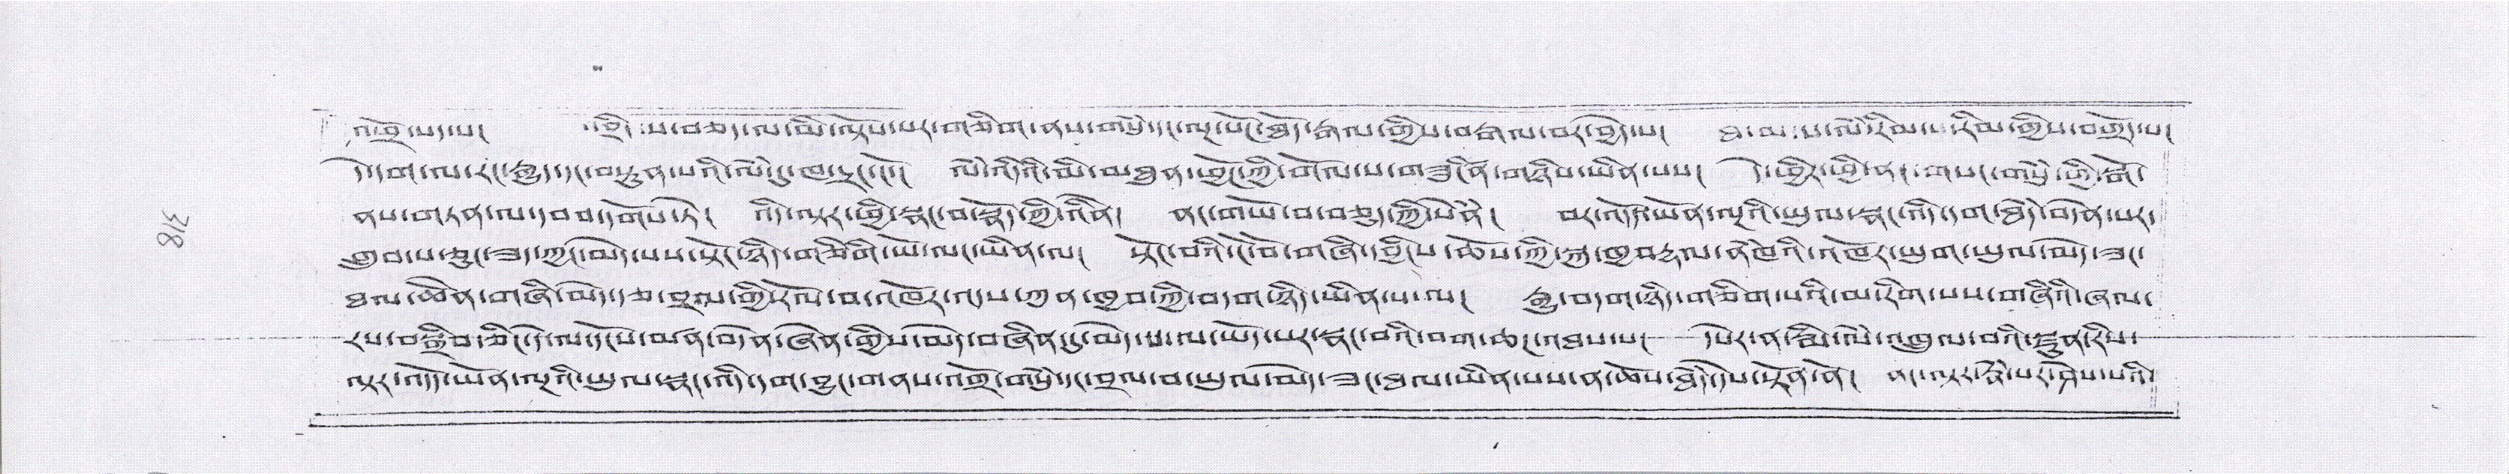འཕྲོ་སད་པ། འབྲིང་ས་བཅད་ལ་མི་ལྟོས་པར་གཅིག་ནས་གསུམ་དང་ལྔ་སོགས་ཐོད་རྒལ་གྱིས་བརྒལ་བར་བྱེད་པ། ཐ་མ་ས་ལམ་རིམ་པ་རིམ་གྱིས་བགྲོད་པ། 
དེ་དག་ལ་རང་རྒྱུད་དང་བསྟུན་པའི་ལམ་དུ་ཁ་དྲང་ངོ། ལམ་འདིའི་མི་མཐུན་ཕྱོགས་ཀྱི་གོལ་ས་གཟུང་འཛིན་གཉིས་ཡིན་པས། དེ་ཕྱིར་ཕྱི་ནང་གསང་གསུམ་གྱི་སྒོ་
ནས་གཏན་ལ་དབབ་དགོས་ཏེ། འདི་ལྟར་ཕྱི་སྣང་བ་སྣོད་ཀྱི་འཇིག་རྟེན། ནང་གཡོ་བ་བཅུད་ཀྱི་སེམས་ཅན། བར་འདོད་ཡོན་ལྔའི་ཡུལ་སྣང་འདི་དག་ཐམས་ཅད་བདེན་པར་
གྲུབ་པ་ཅུང་ཟད་ཀྱང་མེད་པས་སྟོང་ཉིད་གཅིག་གི་ཡོ་ལང་ཡིན་ལ། སྟོང་པའི་ངོ་བོ་གཞི་དབྱིངས་ཆོས་ཀྱི་སྐུ་ཁྱབ་གདལ་ནམ་མཁའི་འཁོར་ཡུག་ཡུལ་མེད་ཟང་
ཐལ་ཆེན་པོ་གཞི་མེད་རྩ་བྲལ་གྱི་རོལ་བ་འཁོར་འདས་ཀུན་ཁྱབ་ཀྱི་བདག་ཉིད་ཡིན་པ་ལ། རྒྱུ་བདག་ཉིད་གཅིག་པའི་མ་རིག་པས་གཞིའི་ཞལ་
རས་བསྒྲིབ་ཅིང་དེ་ལ་དངོས་མཚན་བདེན་ཞེན་གྱིས་མེད་བཞིན་དུ་མེད་པ་ལ་ཡོད་པར་སྣང་བའི་བག་ཆགས་འཐས་པ། དཔེར་ན་རྨི་ལམ་འཁྲུལ་བའི་རྫུན་རིས་
ལྟར་འདོད་ཡོན་ལྔའི་ཡུལ་སྣང་འདི་དག་བྱུང་གནས་འགྲོ་གསུམ་དང་བྲལ་བ་ཡུལ་མེད་ཟང་ཐལ་ཡིན་པས་ན་ཆོས་ཐམས་ཅད་དེས་སྟོན་ནོ། ནང་ལྟར་རྣམ་པར་ཤེས་པའི་